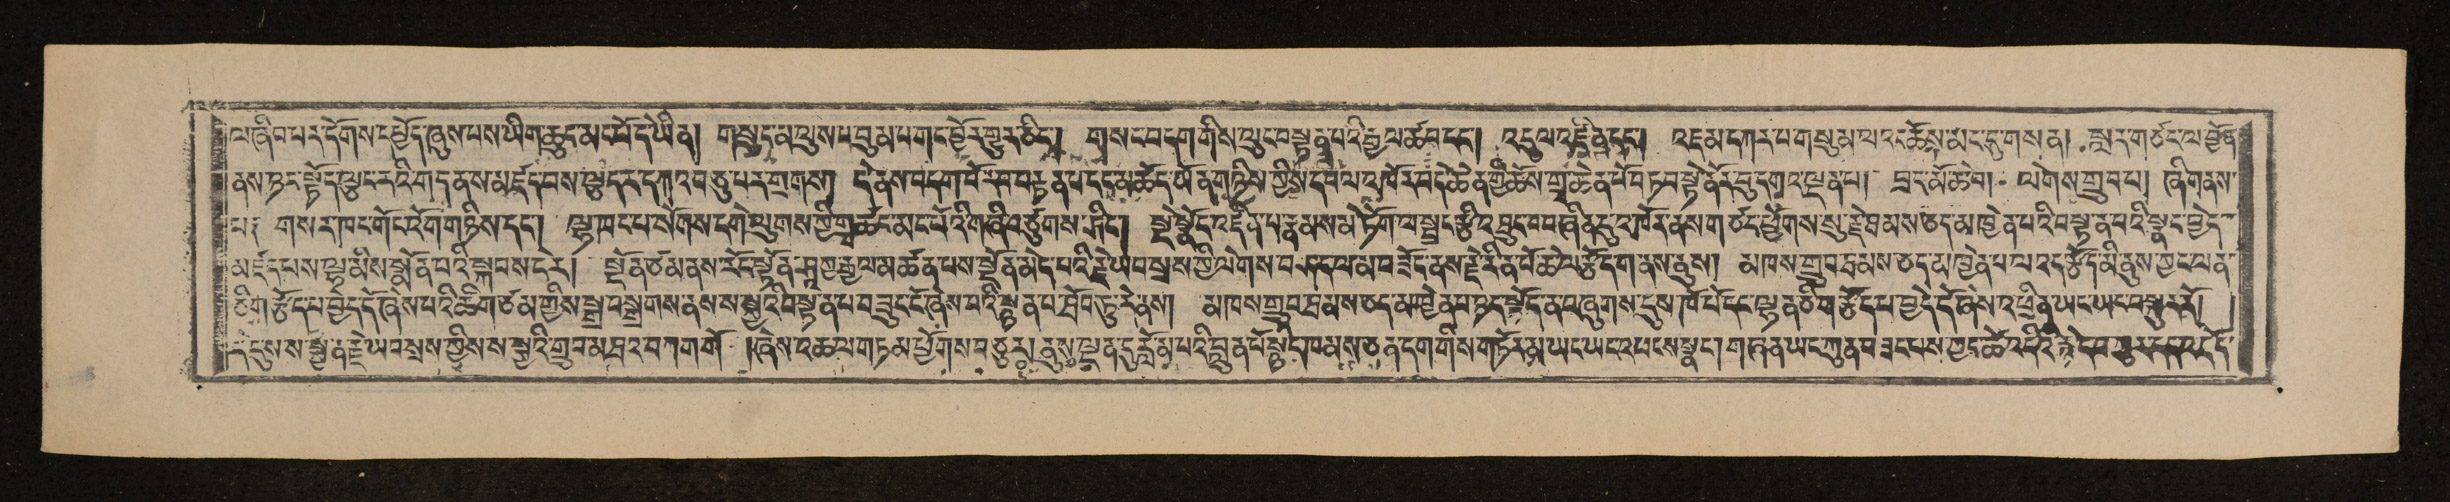ལ་ཞིབ་བར་དོགས་དཔྱོད་ཞུས་པས་ཡིག་ཆུང་མང་པོ་དེ་ཡིན། གསུང་མ་ལུས་པ་བུམ་པ་གང་བྱོར་གྱུར་ཅིང་། གསང་བདག་གིས་ལུང་བསྟན་པའི་རྒྱལ་ཚབ་དང་། འདུལ་འཛིན་དང་། འཇམ་དཀར་པ་གསུམ་ལའང་ཆོས་མང་དུ་གསན། སླར་གཙང་ལ་བྱོན་
ནས་ཉང་སྟོད་ལྕང་རའི་གདན་ས་མཛད་པས་རྩ་བར་དཀའ་བཅུ་པར་གྲགས། དེ་ནས་བདག་པོར་བ་བརྟན་པ་དང་མཆོད་ཡོན་གཉིས་ཀྱིས་དཔལ་འཁོར་བདེ་ཆེན་གྱི་ཆོས་གྲྭ་ཆེན་པོ་བཏབ་སྟེ་ནོར་བུ་དགའ་ལྡན་པ། བྲང་མོ་ཆེ་བ། ལེགས་གྲུབ་པ། ཞི་གནས་
པ༑ གསེར་ཁང་གོང་འོག་གཉིས་དང་། ལྷ་ཁང་པ་སོགས་དགེ་ལུགས་ཀྱི་གྲྭ་ཚང་མང་པོའི་གཞི་བཙུགས་ཤིང་། སྡེ་སྣོད་འཛིན་པ་རྣམས་མེ་ཏོག་ལ་སྦྲང་རྩི་འཐུང་བ་བཞིན་དུ་འཁོར་ནས་གཙང་ཕྱོགས་སུ་རྗེ་ཐམས་ཅད་མཁྱེན་པའི་བསྟན་པའི་སྣང་བྱེད་
མཛད་པས་ལྷ་མིས་སྨོན་པའི་སྐབས་དེར། སྔོན་ཙམ་ནས་རོང་སྟོན་ཤཱཀྱ་རྒྱལ་མཚན་པས་སྔོན་མེད་པའི་རྗེ་ཡབ་སྲས་ཀྱི་ལེགས་བཤད་ལ་མ་བཟོད་ནས་རྗེ་རིན་པོ་ཆེ་ལ་རྩོད་གནས་ནུས། མཁས་གྲུབ་ཐམས་ཅད་མཁྱེན་པ་ལའང་རྩོད་མི་ནུས་ཀྱང་ལན་
ཅིག་རྩོད་པ་བྱེད་དོ་ཞེས་པའི་ཚིག་ཙམ་གྱིས་སྒྲ་བསྒྲགས་ནས་ས་སྐྱའི་བསྟན་པ་བཟུང་ངོ་ཞེས་པའི་སྙན་པ་ཐོབ་ཏུ་རེ་ནས། མཁས་གྲུབ་ཐམས་ཅད་མཁྱེན་པ་ཉང་སྟོད་ན་བཞུགས་དུས་ཁོ་བོ་དང་ལྷན་ཅིག་རྩོད་པ་བྱེད་དོ་ཞེས་འཕྲིན་ཡང་ཡང་བསྐུར་རོ། །
དེ་དུས་ས་སྐྱེ་ན་རྗེ་ཡབ་སྲས་ཀྱིས་ས་སྐྱའི་གྲུབ་མཐའ་བཀག་གོ །ཞེས་འཆལ་གཏམ་ཕྱོགས་བཅུར། ?་ལྡན་དུ་རློམ་པའི་བླུན་པོ་སྙིང་ཁམས་ཅན་དག་གིས་གཏོར་མ་ཡང་ཡང་འཕངས་སྣང་། གཞན་ཡང་ཀུན་བཟང་པས་ཀྱང་ཚེ་འདིའི་རྙེད་བཀུར་དང་འདོད་